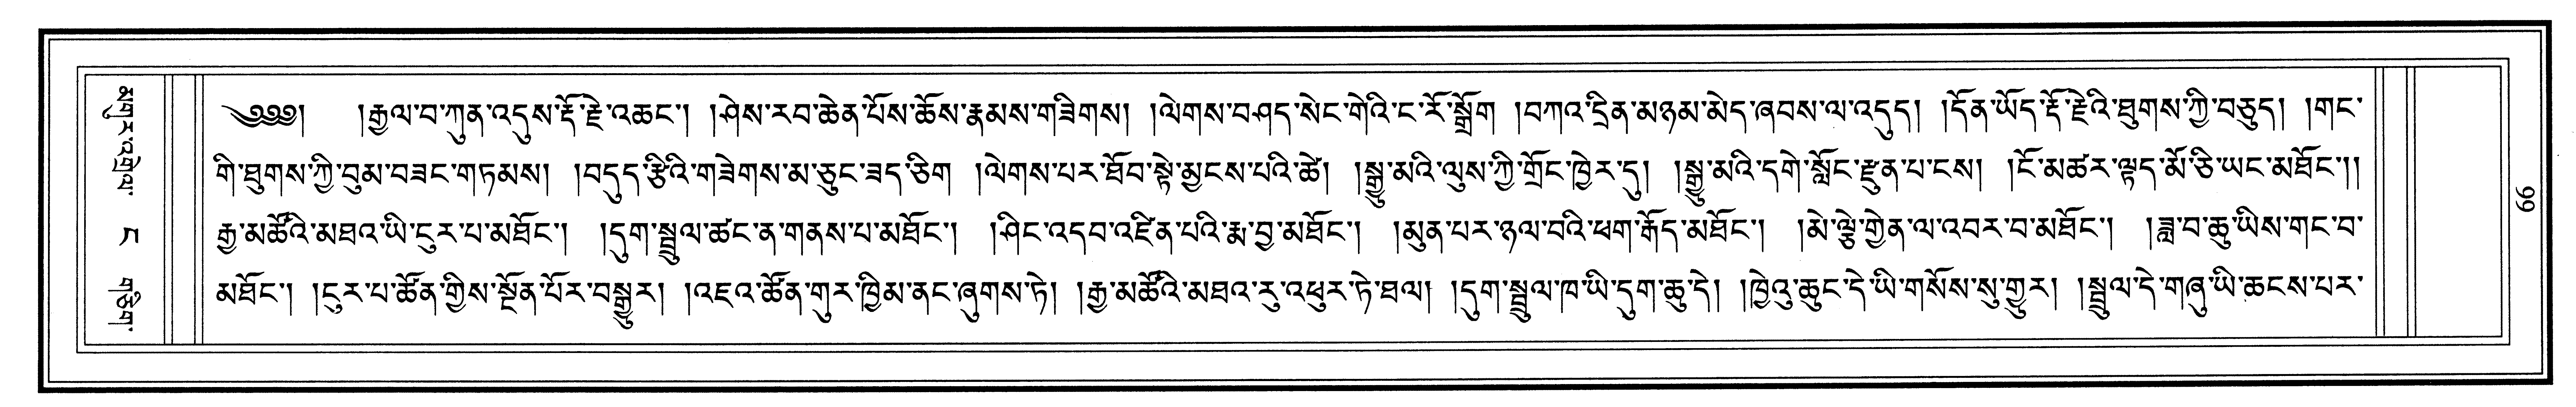༄༅༅། །རྒྱལ་བ་ཀུན་འདུས་རྡོ་རྗེ་འཆང་། །ཤེས་རབ་ཆེན་པོས་ཆོས་རྣམས་གཟིགས། །ལེགས་བཤད་སེང་གེའི་ང་རོ་སྒྲོག །བཀའ་དྲིན་མཉམ་མེད་ཞབས་ལ་འདུད། །དོན་ཡོད་རྡོ་རྗེའི་ཐུགས་ཀྱི་བཅུད། །གང་
གི་ཐུགས་ཀྱི་བུམ་བཟང་གཏམས། །བདུད་རྩིའི་གཟེགས་མ་ཅུང་ཟད་ཅིག །ལེགས་པར་ཐོབ་སྟེ་མྱངས་པའི་ཚེ། །སྒྱུ་མའི་ལུས་ཀྱི་གྲོང་ཁྱེར་དུ། །སྒྱུ་མའི་དགེ་སློང་རྫུན་པ་ངས། །ངོ་མཚར་ལྟད་མོ་ཅི་ཡང་མཐོང།།
རྒྱ་མཚོའི་མཐའ་ཡི་ངུར་པ་མཐོང་། །དུག་སྦྲུལ་ཚང་ན་གནས་པ་མཐོང་། །ཤིང་འདབ་འཛིན་པའི་རྨ་བྱ་མཐོང་། །མུན་པར་ཉལ་བའི་ཕག་རྒོད་མཐོང་། །མེ་ལྕེ་གྱེན་ལ་འབར་བ་མཐོང་། །ཟླ་བ་ཆུ་ཡིས་གང་བ་
མཐོང་། །ངུར་པ་ཚོན་གྱིས་སྔོན་པོར་བསྒྱུར། །འཇའ་ཚོན་གུར་ཁྱིམ་ནང་ཞུགས་ཏེ། །རྒྱ་མཚོའི་མཐའ་རུ་འཕུར་ཏེ་ཐལ། །དུག་སྦྲུལ་ཁ་ཡི་དུག་ཆུ་དེ། །ཁྱེའུ་ཆུང་དེ་ཡི་གསོས་སུ་གྱུར། །སྦྲུལ་དེ་གཞུ་ཡི་ཆངས་པར་